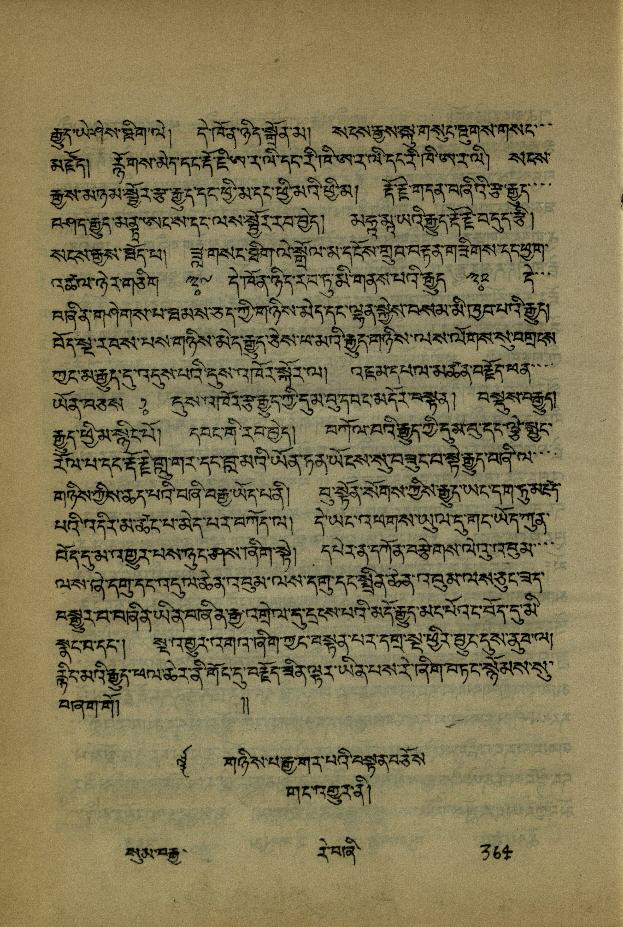རྒྱུད་ཡེ་ཤེས་ཐིག་ལེ། དེ་ཁོ་ན་ཉིད་སྒྲོན་མ། སངས་རྒྱས་སྐུ་གསུང་ཐུགས་གསང་
མཛོད། རྙོགས་མེད་དང་རྡོ་ཇི་ཨ་ར་ལི་དང་རི་ཁི་ཨ་ར་ལི་དང་རི་ཁི་ཨ་ར་ལི། སངས་
རྒྱས་མཉམ་སྦྱོར་རྩ་རྒྱུད་དང་ཕྱི་མ་དང་ཕྱི་མའི་ཕྱི་མ། རྡོ་རྗེ་གདན་བཞིའི་རྩ་རྒྱུད་
བཤད་རྒྱུད་མནྟྲ་ཨང་ས་དང་ལས་སྦྱོར་རབ་བྱེད། མ་ཧཱ་མཱ་ཡའི་རྒྱུད་རྡོ་རྗེ་བདུད་རྩི།
སངས་རྒྱས་ཐོད་པ། ཟླ་གསང་ཐིག་ལེ་སྒྲོལ་མ་དངོས་གྲུབ་བརྟན་གཟིགས་དང་ཕྱག་
འཚལ་ཉེར་གཅིག ༣༧་དེ་ཁོ་ན་ཉིད་རབ་ཏུ་མི་གནས་པའི་རྒྱུད ༣༢་དེ་
བཞིན་གཤེགས་པ་ཐམས་ཅད་ཀྱི་གཉིས་མེད་དང་ལྷན་སྐྱེས་བསམ་མི་ཁྱབ་པའི་རྒྱུད།
བོད་སྔ་རབས་པས་གཉིས་མེད་རྒྱུད་ཅེས་ཕ་མའི་རྒྱུད་གཉིས་ལས་ལོགས་སུ་བགྲངས་
ཀྱང་མ་རྒྱུད་དུ་འདུས་པའི་དུས་འཁོར་སྐོར་ལ། འཇམ་དཔལ་མཚན་བརྗོད་ཕན་
ཡོན་བཅས ༡་དུས་འཁོར་རྩ་རྒྱུད་ཀྱི་དུ་མ་བུ་དབང་མདོར་བསྟན། བསྡུས་བརྒྱུད།
རྒྱུད་ཕྱི་མ་སྙིང་པོ། དབང་གི་རབ་བྱེད། བཀོལ་བའི་རྒྱུད་ཀྱི་དུ་མ་བུ་དང་ལྕེ་སྤྱང་
རོལ་བ་དང་རྡོ་རྗེ་གླུ་གར་དང་བླ་མའི་ཡོན་ཏན་ཡོངས་སུ་བཟུང་བ་སྟེ་རྒྱུད་བཞི་ལ་
གཉིས་ཀྱིས་ཆད་པའི་བཞི་བརྒྱ་ཡོད་པ་ནི། བུ་སྟོན་སོགས་ཀྱིས་རྒྱུད་ཡང་དག་ཏུ་མཛད་
པའི་འདིར་མ་ཚང་པ་མེད་པར་བཀོད་ལ། དེ་ཡང་འཕགས་ཡུལ་དུ་གང་ཡོད་ཀུན་
བོད་དུ་མ་འགྱུར་པས་ཉུང་ཤས་ཞིག་སྟེ། དཔེར་ན་དཀོན་བརྩེགས་ལེའུ་འབུམ་
ལས་ཞེ་དགུ་དང་འདུ་ལ་ཆེན་འབུམ་ལས་དགུ་དང་སྤྲིན་ཆེན་འབུམ་ལས་ཅུང་ཟད་
བསྒྱུར་པ་བཞིན་ཡིན་བཞིན་རྒྱ་འགྲེལ་དུ་དྲངས་པའི་མདོ་རྒྱུད་མང་པོའང་བོད་དུ་མི་
སྣང་བ་དང་། སྔ་འགྱུར་འགའ་ཞིག་ཀྱང་བསྟན་པར་དགྲ་སྔ་ཕྱིར་བྱུང་དུས་ནུབ་ལ།
རྙིང་མའི་རྒྱུད་ཕལ་ཆེར་ནི་གོང་དུ་བརྗོད་ཟིན་ལྟར་ཡིན་པས་རེ་ཞིག་བཏང་སྙོམས་སུ་
བཞག་གོ། །།
༈ གཉིས་པ་རྒྱ་གར་པའི་བསྟན་བཅོས་
གང་འགྱུར་ནི།